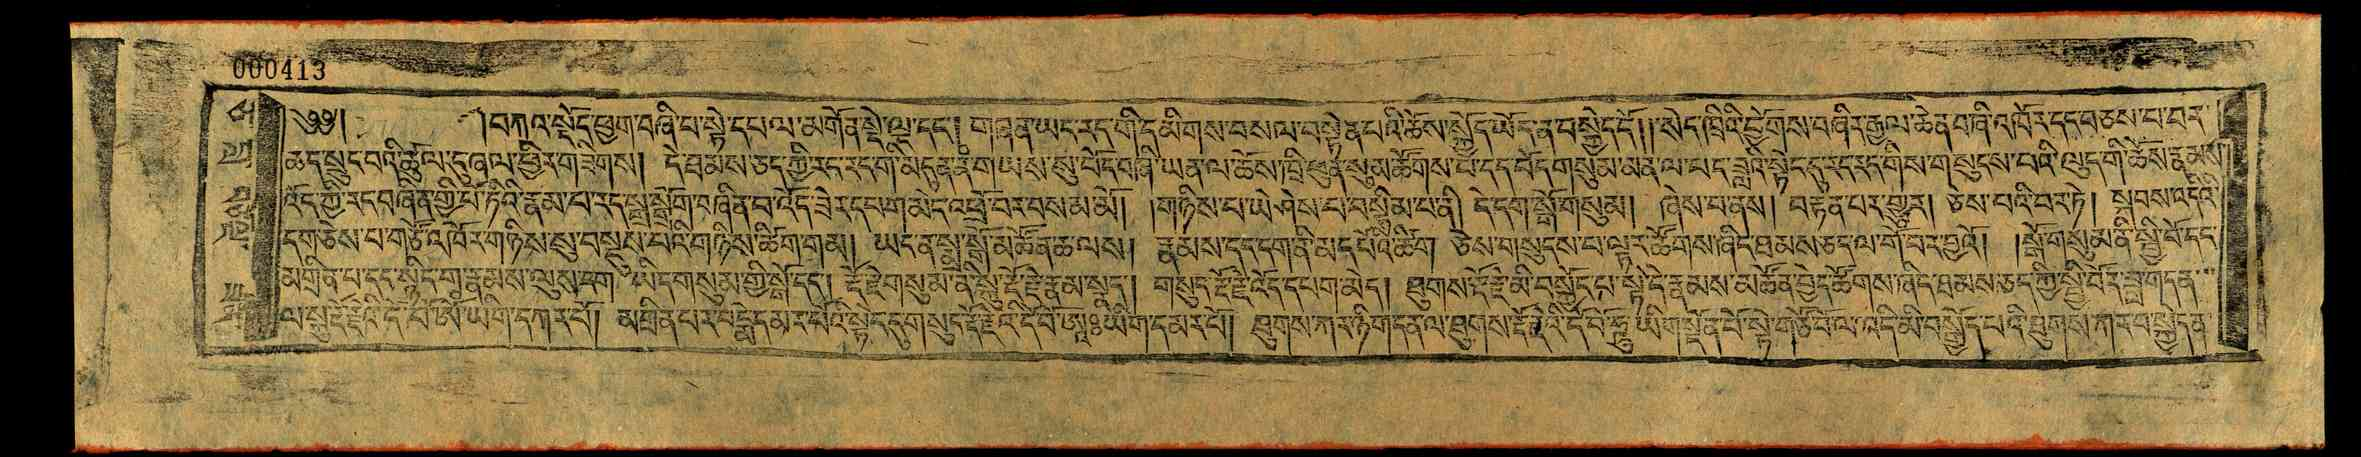༄༅། །བཀའ་སྡོད་ཕྱག་བཞི་པ་སྟེ་དཔལ་མགོན་སྡེ་ལྔ་དང་། གཞན་ཡང་རང་གི་དམིགས་བསལ་བསྟེན་པའི་ཆོས་སྐྱོང་ཡོད་ན་བསྐྱེད་དོ། །སེང་ཁྲིའི་ཕྱོགས་བཞིར་རྒྱལ་ཆེན་བཞི་འཁོར་དང་བཅས་པ་བར་
ཆད་སྲུང་བའི་ཚུལ་དུ་ཞལ་ཕྱིར་གཟིགས། དེ་ཐམས་ཅད་ཀྱི་རང་རང་གི་མདུན་ནཾ་གཡས་སུ་པོད་བཞི་ཡན་ལ་ཆོས་ཁྲི་ཕུན་སུམ་ཚོགས་པ་དང་པོད་གསུམ་མན་ལ་པད་ཟླའི་སྟེང་དུ་རང་རང་གིས་གསུངས་པའི་ལུང་གི་ཆོས་རྣམས་
འོད་ཀྱི་རང་བཞིན་གྱི་པོ་ཏིའི་རྣམ་པ་རང་སྒྲ་སྒྲོག་བཞིན་པ་འོད་ཟེར་དཔག་མེད་འཕྲོ་བར་བསམ་མོ། །གཉིས་པ་ཡེ་ཤེས་པ་བསྟིམ་པ་ནི། དེ་དག་སྒོ་གསུམ། ཞེས་པ་ནས། བརྟན་པར་གྱུར། ཅེས་པའི་བར་ཏེ། སྐབས་འདིའི་
དག་ཅེས་པ་གཙོ་འཁོར་གཉིས་སུ་བསྡུས་པའི་གཉིས་ཚིག་གམ། ཡང་ན་སྨྲ་སྒོ་མཚོན་ཆ་ལས། རྣམས་དང་དག་ནི་མང་པོའི་ཚིག །ཅེས་གསུངས་པ་ལྟར་ཚོགས་ཞིང་ཐམས་ཅད་ལ་གོ་བར་བྱའོ། །སྒོ་གསུམ་ནི་སྤྱི་བོ་དང་
མགྲིན་པ་དང་སྙིང་ག་རྣམས་ལུས་ངག་ཡིད་གསུམ་གྱི་སྒོ་དང་། རྡོ་རྗེ་གསུམ་ནི་སྐུ་རྡོ་རྗེ་རྣམ་སྣང་། གསུང་རྡོ་རྗེ་འོད་དཔག་མེད། ཐུགས་རྡོ་རྗེ་མི་བསྐྱོད་པ་སྟེ་དེ་རྣམས་མཚོན་བྱེད་ཚོགས་ཞིང་ཐམས་ཅད་ཀྱི་སྤྱི་བོར་ཟླ་གདན་
ལ་སྐུ་རྡོ་རྗེའི་ངོ་བོ་ཨོཾ་ཡིག་དཀར་པོ། མགྲིན་པར་པདམ་དམར་པོའི་སྟེང་དུ་གསུང་རྡོ་རྗེའི་ངོ་བོ་ཨཱཿ ཡིག་དམར་པོ། ཐུགས་ཀར་ཉི་གདན་ལ་ཐུགས་རྡོ་རྗེའི་ངོ་བོ་ཧཱུཾ་ཡིག་སྔོན་པོ་སྟེ་གཙོ་བོ་ལ་འདི་མི་བསྐྱོད་པའི་ཐུགས་ཀར་བསྐྱེད་ན་